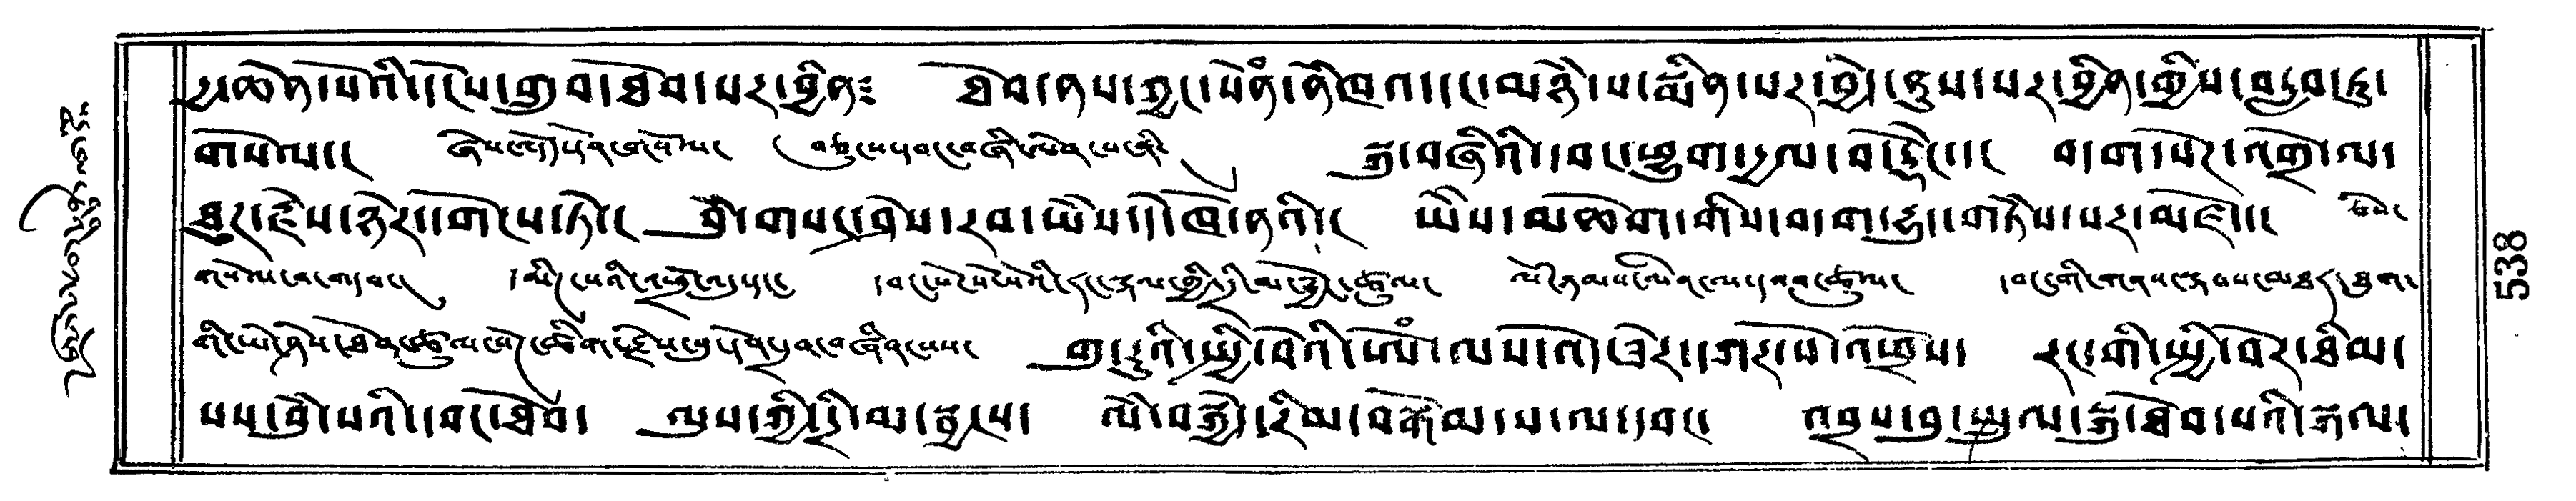རྒྱ་ཆེན་པོའི་དངོས་གྲུབ་ཐོབ་པར་བྱིན༴ ཐོབ་ནས་ཀྱང་སེམས་ཅན་ནམ་མཁའ་དང་མཉམ་པ་སྨིན་པར་བྱེད་ནུས་པར་བྱིན་གྱིས་བརླབ་ཏུ་
གསོལ། ཞེས་འདོད་དོན་གསོལ། བཅུ་པ་དབང་བཞི་ལེན་པ་ནི། སྐུ་བཞིའི་དབང་ཕྱུག་རྒྱལ་བ་རྡོ་རྗེ་དང་། །བདག་སོགས་འགྲོ་ལ་
ཐུགས་རྗེས་ཉེར་དགོངས་ཏེ། །བུམ་གསང་ཤེས་རབ་ཡེ་ཤེས་དེ་ཁོ་ནའི། །ཡེ་ཤེས་མཆོག་གིས་བདག་རྒྱུད་གཏམས་པར་མཛོད། ཅེས་
གསོལ་བ་གདབ། དམིགས་པའི་འཕྲོ་འདུ་དང་། དབང་པོ་སོ་སོའི་རང་སྐལ་གྱི་དྲི་མ་སྦྱོང་ཚུལ། ལམ་ཉམས་ལེན་ལ་དབབ་ཚུལ། དབང་གི་གནས་སྐབས་མཐར་ཐུག་
གི་ཡེ་ཤེས་ཐོབ་ཚུལ་སོགས་ཚིག་རྗེས་སུ་དོན་དྲན་བཞིན་པས། གུ་རུའི་སྤྱི་བོའི་ཨོཾ་ལས་འོད་ཟེར་དཀར་པོ་འཕྲོས། རང་གི་སྤྱི་བོར་ཐིམ་
པས་བུམ་པའི་དབང་ཐོབ། ལུས་ཀྱི་དྲི་མ་སྦྱངས། ལམ་བསྐྱེད་རིམ་སྒོམ་པ་ལ་དབང་། འབྲས་བུ་སྤྲུལ་སྐུ་ཐོབ་པའི་སྐལ་